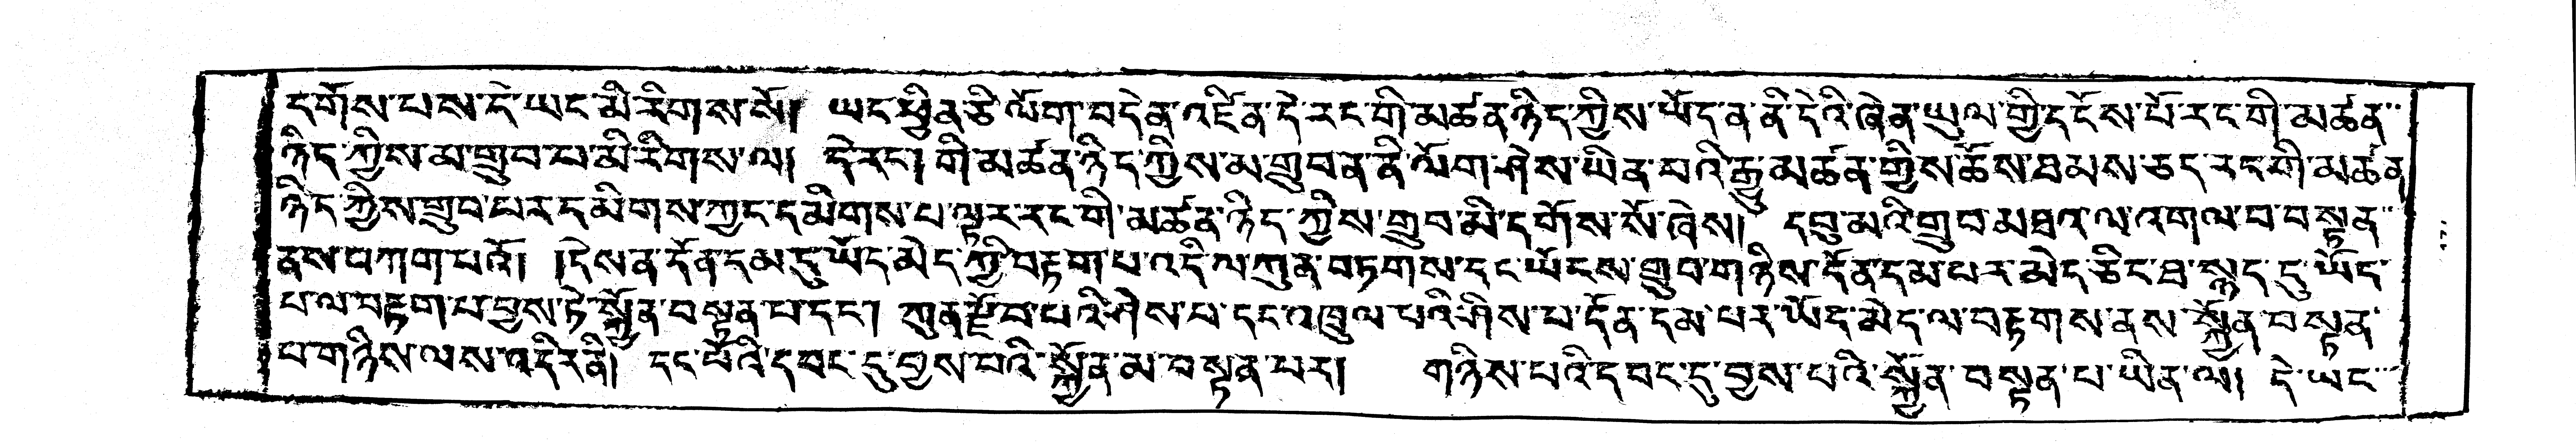དགོས་པས་དེ་ཡང་མི་རིགས་སོ། ཡང་ཕྱིན་ཅི་ལོག་བདེན་འཛིན་དེ་རང་གི་མཚན་ཉིད་ཀྱིས་ཡོད་ན་ནི་དེའི་ཞེན་ཡུལ་གྱི་དངོས་པོ་རང་གི་མཚན་
ཉིད་ཀྱིས་མ་གྲུབ་པ་མི་རིགས་ལ། དེ་རང་། གི་མཚན་ཉིད་ཀྱིས་མ་གྲུབ་ན་ནི་ལོག་ཤེས་ཡིན་པའི་རྒྱུ་མཚན་གྱིས་ཆོས་ཐམས་ཅད་རང་གི་མཚན་
ཉིད་ཀྱིས་གྲུབ་པར་དམིགས་ཀྱང་དམིགས་པ་ལྟར་རང་གི་མཚན་ཉིད་ཀྱིས་གྲུབ་མི་དགོས་སོ་ཞེས། དབུ་མའི་གྲུབ་མཐའ་ལ་འགལ་བ་བསྟན་
ནས་བཀག་པའོ། །དེས་ན་དོན་དམ་དུ་ཡོད་མེད་ཀྱི་བརྟག་པ་འདི་ལ་ཀུན་བཏགས་དང་ཡོངས་གྲུབ་གཉིས་དོན་དམ་པར་མེད་ཅིང་ཐ་སྙད་དུ་ཡོད་
པ་ལ་བརྟག་པ་བྱས་ཏེ་སྐྱོན་བསྟན་པ་དང་། ཀུན་རྫོབ་པའི་ཤེས་པ་དང་འཁྲུལ་པའི་ཤེས་པ་དོན་དམ་པར་ཡོད་མེད་ལ་བརྟགས་ནས་སྐྱོན་བསྟན་
པ་གཉིས་ལས་འདིར་ནི། དང་པོའི་དབང་དུ་བྱས་པའི་སྐྱོན་མ་བསྟན་པར། གཉིས་པའི་དབང་དུ་བྱས་པའི་སྐྱོན་བསྟན་པ་ཡིན་ལ། དེ་ཡང་